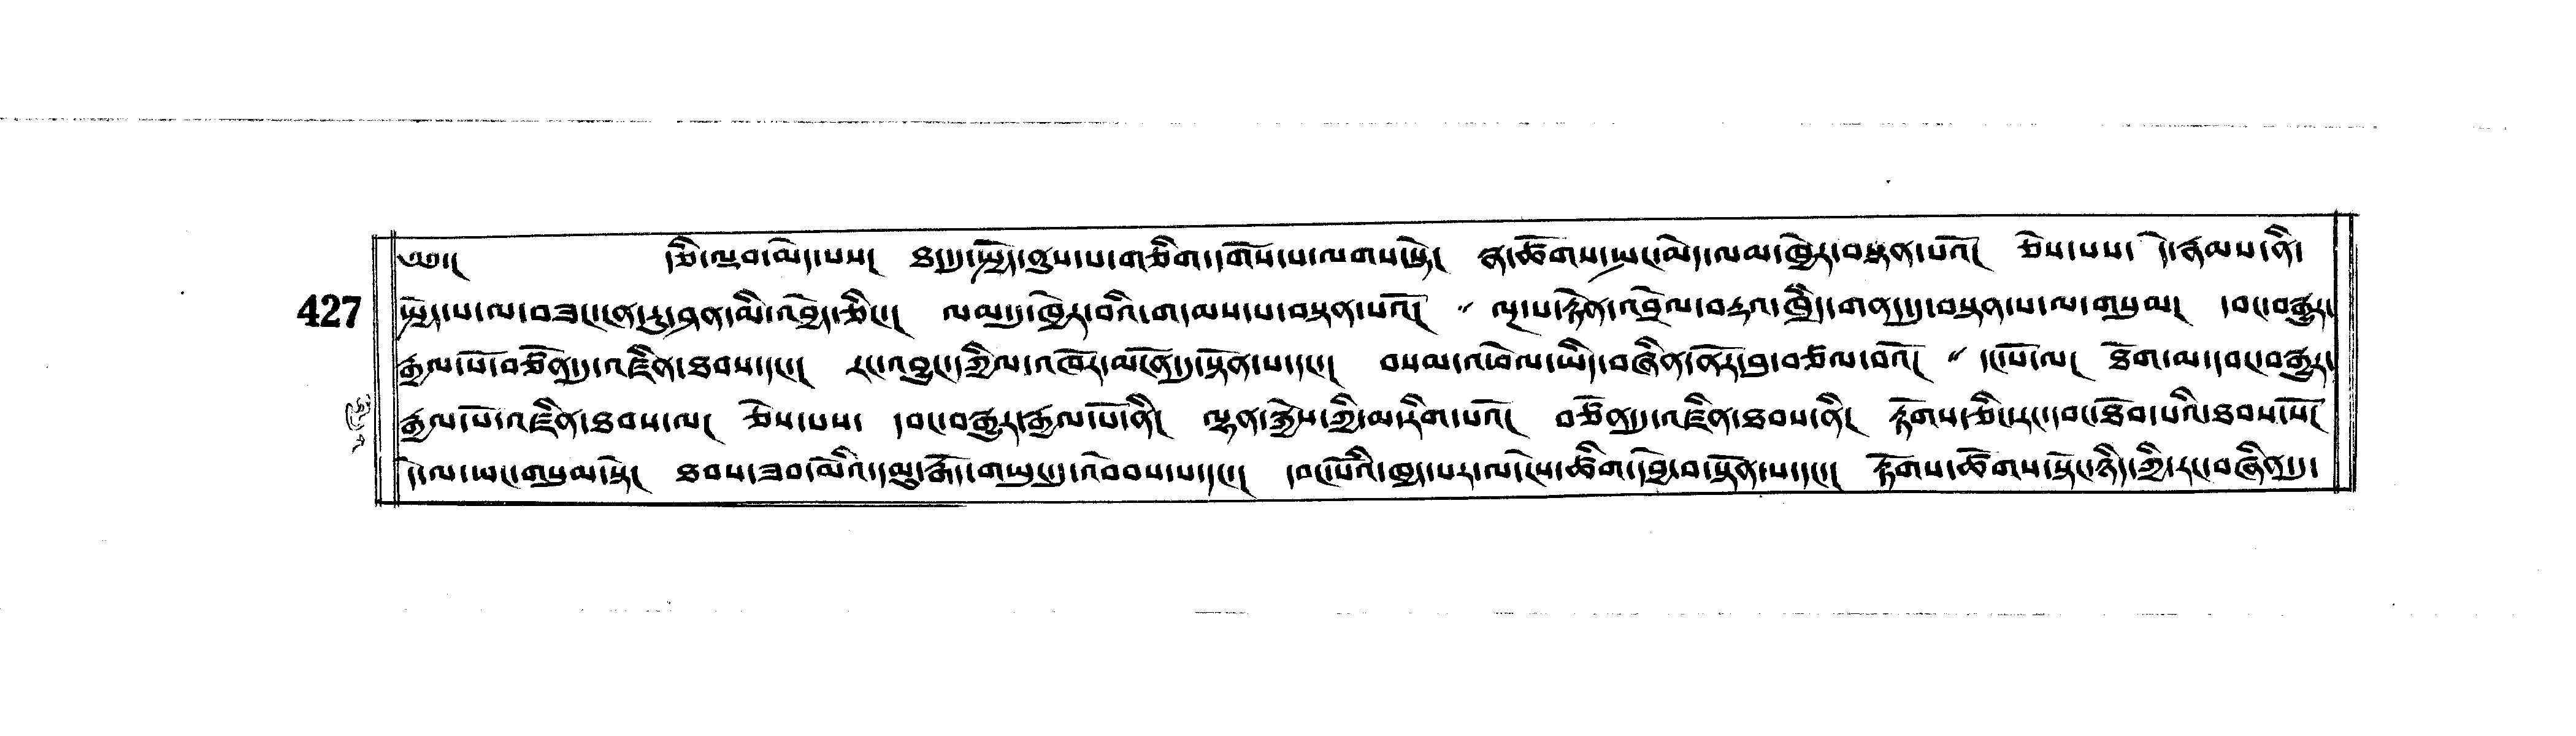ཅི་བྱུང་ལ་རྩི་ལྡབ་མེད་པས། ཐད་དུ་སྤྱོད་ནུས་པ་གཅིག་དགོས་པ་ལགས་ཏེ། སྣ་ཚོགས་སྤང་མེད་ལམ་ཁྱེར་བསྟན་པའོ། ཅེས་པས། དེ་རྣམས་
ལ་སྤྱོད་པ་བཟང་ངན་རུ་ཤན་མི་འབྱེད་ཅིང་། ལམ་དུ་ཁྱེར་བའི་གདམས་པ་བསྟན་པའོ། ༧ ལྔ་པ་རྟེན་འབྲེལ་བརྡ་ཁྲིད་གནད་དུ་བསྟན་པ་ལ་གསུམ། དབང་སྒྱུར་
རྒྱལ་པོ་བཙོན་དུ་འཛིན་ཐབས་དང་། རང་འབྱུང་དཀྱིལ་འཁོར་མངོན་དུ་སྟོན་པ་དང་། བསམ་འཕེལ་ཡིད་བཞིན་ནོར་བུ་བཙལ་བའོ། དང་པོ་ལ། ཐོག་མ་དབང་སྒྱུར་
རྒྱལ་པོ་འཛིན་ཐབས་ལ། ཅེས་པས། དབང་སྒྱུར་རྒྱལ་པོ་ནི། ལྷན་སྐྱེས་ཀྱི་མ་རིག་པའོ། བཙོན་དུ་འཛིན་ཐབས་ནི། རྟོགས་ཅིང་རང་དབང་ཐོབ་པའི་ཐབས་སོ། 
དེ་ལ་ཡང་གསུམ་སྟེ། ཐབས་ཟབ་མོའི་དམུ་རྒོད་གཡུང་དུ་འབེབས་པ་དང་། དབང་པོའི་ཁྱད་པར་ལ་ངེས་ཚིག་དབྱེ་བ་སྟོན་པ་དང་། རྟོགས་ཚོགས་སྟོང་ཉིད་ཀྱི་རང་བཞིན་དུ་